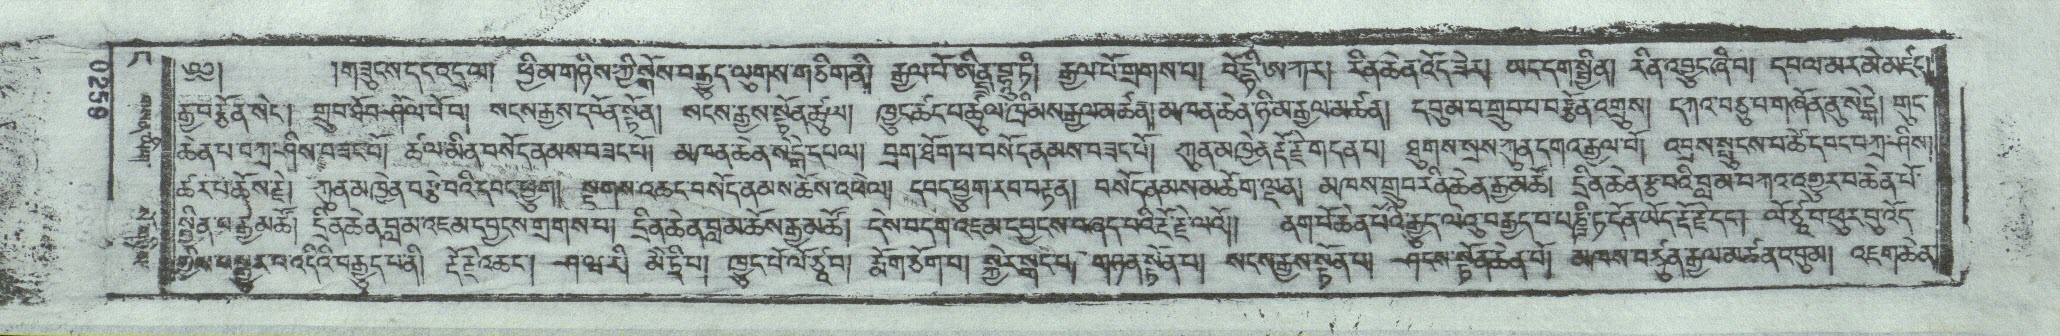༄༅། །གཟུངས་དང་འདྲ་ལ། ཕྱི་མ་གཉིས་ཀྱི་སོགས་བརྒྱུད་ལུགས་གཅིག་ནི། རྒྱལ་པོ་ཨིནྡྲ་བྷཱུ་ཏི། རྒྱལ་པོ་གྲགས་པ། བོ་དྷི་ཨ་ཀར། རིན་ཆེན་འོད་ཟེར། ཡང་དག་སྦྱིན། རིན་འབྱུང་ཞིབ། དཔལ་མར་མེ་མཛད་
རྒྱ་བརྩོན་སེང་། གྲུབ་ཐོབ་ཤོལ་བོ་བ། སངས་རྒྱས་དཔོན་སྟོན། སངས་རྒྱས་སྟོན་ཚུལ། ཁྱུང་ཚང་བ་ཚུལ་ཁྲིམས་རྒྱལ་མཚན། མཁན་ཆེན་ཏི་མ་རྒྱལ་མཚན། དབུ་མ་པ་གྲུབ་པ་བརྩོན་འགྲུས། དཀའ་བཅུ་པ་གཞོན་ནོ་སེངྒེ། གུང་
ཆེན་པོ་བཀྲ་ཤིས་བཟང་བོ། ཚལ་མིན་བསོད་ནམས་བཟང་པོ། མཁན་ཆེན་སེངྒེ་དཔལ། བྲག་ཐོག་པ་བསོད་ནམས་བཟང་པོ། ཀུན་མཁྱེན་རྡོ་རྗེ་གདན་པ། ཐུགས་སྲས་ཀུན་དགའ་རྒྱལ་པོ། འབྲས་སྤུངས་པ་ཚེ་དབང་བཀྲ་ཤིས།
ཚར་བ་ཆོས་རྗེ། ཀུན་མཁྱེན་བརྩེ་བའི་དང་ཕྱུག། སྔགས་འཆང་བསོད་ནམས་ཆོས་འཕེལ། དབང་ཕྱུག་རབ་བརྟན། བསོད་ནམས་མཆོག་ལྡན། མཁས་གྲུབ་རིན་ཆེན་རྒྱ་མཚོ། དྲིན་ཆེན་རྩ་བའི་བླ་མ་བཀའ་འགྱུར་བ་ཆེན་པོ་
སྦྱིན་བརྒྱ་མཚོ། དྲིན་ཆེན་བླ་མ་འཇམ་དབྱངས་གྲགས་པ། དྲིན་ཆེན་བླ་མ་ཆོས་རྒྱ་མཚོ། དེས་བདག་འཇམ་དབྱངས་བཞད་པའི་རྡོ་རྗེ་ལའོ།། ནག་པོ་ཆེན་པོའི་རྒྱུད་ལེའུ་བརྒྱད་པ་པཎྜི་ཏ་དོན་ཡོད་རྡོ་རྗེ་དང་། ལོ་ཙཱ་བ་ཕུར་བུ་འོད་
གྱིས་བསྒྱུར་བ་འདིའི་བརྒྱུད་པ་ནི། རྡོ་རྗེ་འཆང་། ཤ་ཝ་རི། མཻ་ཏྲི་པ། ཁྱུང་པོ་ལོ་ཙཱ་བ། རྨོག་ཅོག་པ། སྐྱེར་སྒང་བ། གཉན་སྟོན་པ། སངས་རྒྱས་སྟོན་པ། ཤངས་སྟོན་ཆེན་པོ། མཁས་བཙུན་རྒྱལ་མཚན་འབུམ། འཇག་ཆེན་